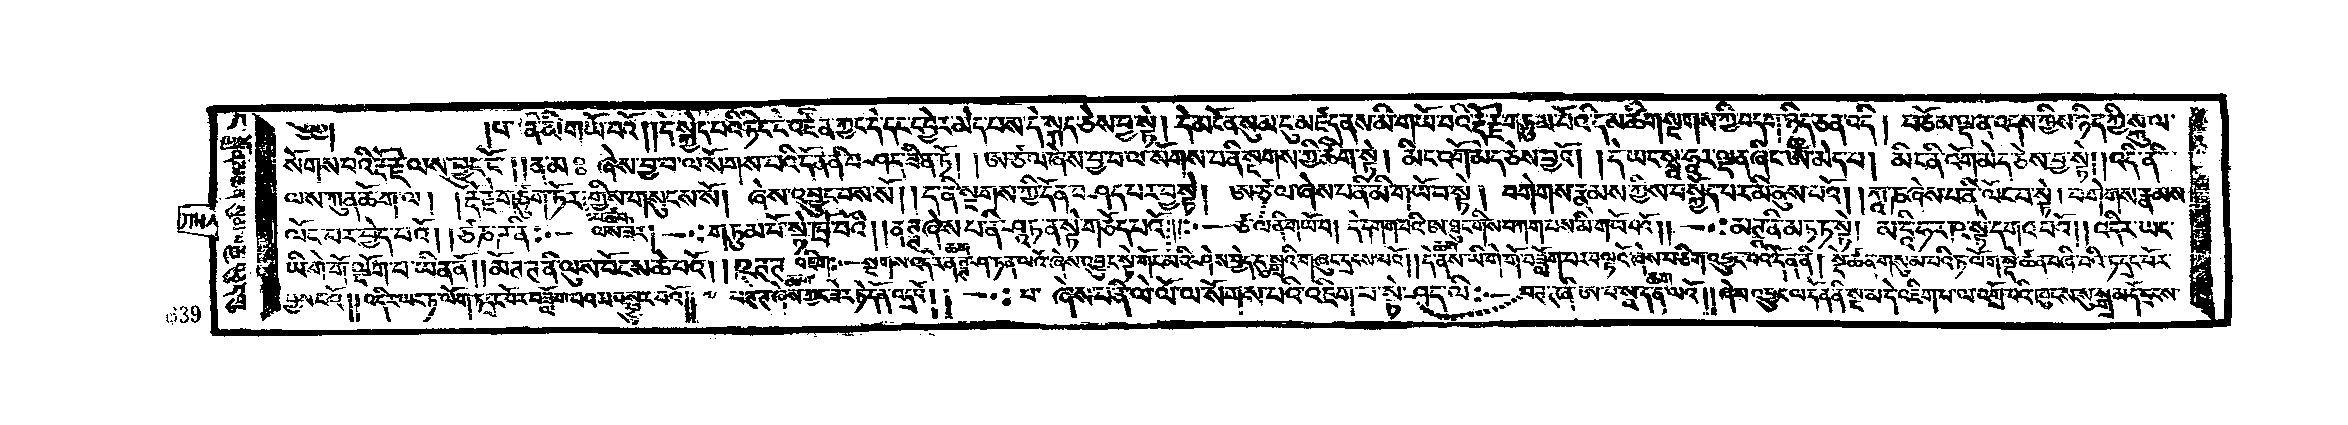༄༅། །པ་ནི་མི་གཡོ་བའོ། །དེ་སྐྱེད་པའི་ཏིང་ངེ་འཛིན་ཀྱང་དེ་དང་དབྱེར་མེད་པས་དེ་སྐད་ཅེས་བྱ་སྟེ། དེ་མངོན་སུམ་དུ་མཛད་ནས་མི་གཡོ་བའི་རྡོ་རྗེ་གཏུམ་པོའི་དམ་ཚིག་སྔགས་ཀྱི་བདག་ཉིད་ཅན་འདི། བཅོམ་ལྡན་འདས་ཀྱིས་ཉིད་ཀྱི་སྐུ་ལ་
སོགས་པའི་རྡོ་རྗེ་ལས་ཕྱུང་ངོ། །ན་མཿ ཞེས་བྱ་བ་ལ་སོགས་པའི་དོན་ནི་བཤད་ཟིན་ཏོ། །ཨ་ཙ་ལ་ཞེས་བྱ་བ་ལ་སོགས་པ་ནི་སྔགས་ཀྱི་ཚིག་སྟེ། མིང་འགོ་མེད་ཅེས་བྱའོ། །དེ་ཡང་སྭཱ་ཧཱར་ལྡན་ཞིང་ཨོཾ་མེད་པ། མིང་ནི་འོག་མེད་ཅེས་བྱ་སྟེ། །འདི་ནི་
ལས་ཀུན་ཆོག་ལ། །རྡོ་རྗེ་གཙུག་ཏོར་གྱིས་གཟུགས་སོ། །ཞེས་འབྱུང་བས་སོ། །ད་ནི་སྔགས་ཀྱི་དོན་བཤད་པར་བྱ་སྟེ། ཨ་ཙ་ལ་ཞེས་པ་ནི་མི་གཡོ་བ་སྟེ། བགེགས་རྣམས་ཀྱིས་བསྐྱོད་པར་མི་ནུས་པའོ། །ཀཱ་ཎ་ཞེས་པ་ནི་ལོང་བ་སྟེ། བགེགས་རྣམས་
ལོང་པར་བྱེད་པའོ། །ཙཎ་ཌ་ནིཿ་པ་ཚབ་ལས་ཟེར།.H གཏུམ་པོ་སྟེ་ཁྲོ་བོའི། །ན་ཊྚ་ཞེས་པ་ནི་ཤའྟ་ན་སྟེ་གཅོད་པའོ།།H.་ཙ་ལ་ནི་གཡོ་བ། དེ་དགག་པའི་ཨ་ཐུང་གིས་བཀག་པས་མི་གཡོ་བའོ།།.H མཊྚ་ནི་མ་ཏྟ་སྟེ། མི་དཱི་ཧ་ར་ཥ་སྟེ་དགའ་བའོ། །འདིར་ཡང་
ཡི་གེ་གོ་ལྡོག་པ་ཡིན་ནོ། །མོ་ཊྚ་ནི་ལུས་བོངས་ཆེ་བའོ། །ཥ་ཊྚ་འཛིགཿ་སྔགས་འདིར་ཆག་ན་མཊ་ཤ་ཏན་ལའི་ཞེས་འབྱུང་སྟེ་གོང་མའི་ཤེས་བྱེད་དུ་སྒྲའི་གཞུང་དྲངས་པའོ། །དེ་ནས་ཆགས་ཡི་གེ་གོ་བཟློག་པར་བལྟའོ་ཞེས་པ་ཅིག་འབྱུང་བའི་དོན་ནོ། སྡེ་ཚན་གསུམ་པའི་ཏ་ལོག་སྡེ་ཚན་བཞི་པའི་ཏ་དྲང་པོར་
བྱས་པའོ། ། འདིར་ཡང་ཏ་ལོག་ཏ་དྲང་པོར་བཟློག་པའམ་བསྒྱུར་བའོ། །༧་པ་ཊ་ཊ་ཆག་ཀྱང་ཟེར་ཏེ་དོན་འདྲའོ། །.H པ་ཞེས་པ་ནི་ལེ་ལོ་ལ་སོགས་པའི་འཇིག་པ་སྟེ་ཤད་ལིཿ་པ་ཊ་ཊ་ནི་ཨ་པ་སཱ་ད་ཆག་ན་ལའོ། །ཞེས་འབྱུང་ལ་དོན་ནི་སྔ་མ་དེ་འཇིག་པ་ལ་འགྲོ་བའི་ཁུངས་སུ་སྒྲ་མདོ་དྲངས་